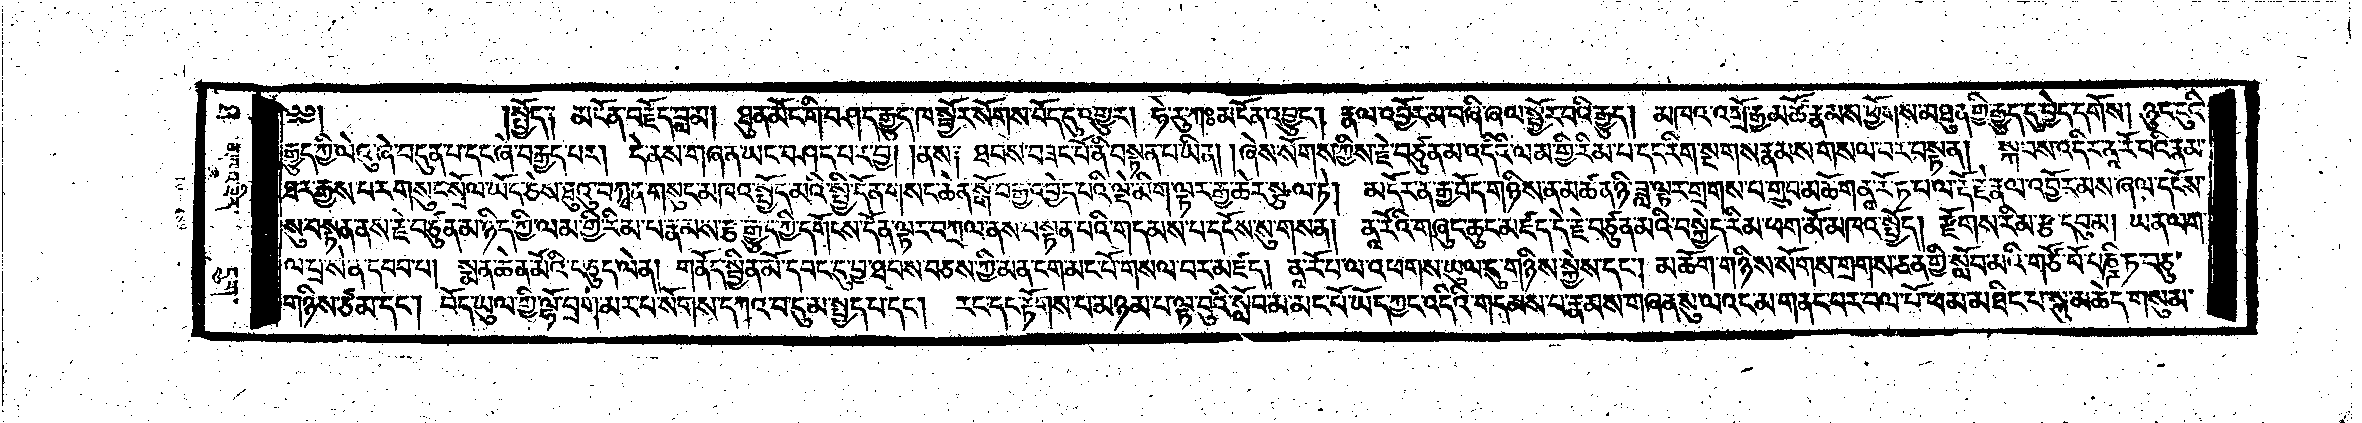༄༅། །སྤྱོད༑ མངོན་བརྗོད་བླ་མ། ཐུན་མོང་གི་བཤད་རྒྱུད་ཁ་སྦྱོར་སོགས་བོད་དུ་འགྱུར། ཧེ་རུ་ཀཿ མངོན་འབྱུང་། རྣལ་འབྱོར་མ་བཞི་ཞལ་སྦྱོར་བའི་རྒྱུད། མཁའ་འགྲོ་རྒྱ་མཚོ་རྣམས་ཕྱོགས་མཐུན་གྱི་རྒྱུད་དུ་བྱེད་དགོས། ཉུང་ངུའི་
རྒྱུད་ཀྱི་ལེའུ་ཞེ་བདུན་པ་དང་ཞེ་བརྒྱད་པར། དེ་ནས་གཞན་ཡང་བཤད་པར་བྱ། །ནས༑ ཐབས་བཟང་པོ་ནི་བསྟན་པ་ཡིན། །ཞེས་སོགས་ཀྱིས་རྗེ་བཙུན་མ་འདིའི་ལམ་གྱི་རིམ་པ་དང་རིག་སྔགས་རྣམས་གསལ་བར་བསྟན། སྐབས་འདིར་ནཱ་རོ་བའི་རྣམ་
ཐར་རྒྱས་པར་གསུང་སྲོལ་ཡོད་ཅེས་ཐུའུ་བཀྭན་གསུང་མཁའ་སྤྱོད་མའི་སྤྱི་དོན་གསང་ཆེན་སྒོ་བརྒྱ་འབྱེད་པའི་ལྡེ་མིག་ལྟར་རྒྱ་ཆེར་སྩལ་ཏེ། མདོར་ན་རྒྱ་བོད་གཉིས་ན་མཚན་ཉི་ཟླ་ལྟར་གྲགས་པ་གྲུབ་མཆོག་ནཱ་རོ་ཏ་པ་ལ་རྡོ་རྗེ་རྣལ་འབྱོར་མས་ཞལ་དངོས་
སུ་བསྟན་ནས་རྗེ་བཙུན་མ་ཉིད་ཀྱི་ལམ་གྱི་རིམ་པ་རྣམས་རྩ་རྒྱུད་ཀྱི་དགོངས་དོན་ལྟར་བཀྲལ་ནས་བསྟན་པའི་གདམས་པ་དངོས་སུ་གསན། ནཱ་རོའི་གཞུང་ཆུང་མཛད་དེ་རྗེ་བཙུན་མའི་བསྐྱེད་རིམ་ཕག་མོ་མཁའ་སྤྱོད། རྫོགས་རིམ་རྩ་དབུ་མ། ཡན་ལག་
ལ་པྲ་སེ་ན་དབབ་པ། སྨན་ཆེན་མོའི་བཅུད་ལེན། གནོད་སྦྱིན་མོ་དབང་དུ་བྱ་ཐབས་བཅས་ཀྱི་མན་ངག་མང་པོ་གསལ་བར་མཛད། ནཱ་རོ་པ་ལ་འཕགས་ཡུལ་དུ་གཉིས་སྐྱེས་དང་། མཆོག་གཉིས་སོགས་གྲགས་ཅན་གྱི་སློབ་མའི་གཙོ་བོ་པཎྜི་ཏ་བཅུ་
གཉིས་ཙམ་དང་། བོད་ཡུལ་གྱི་ལྷོ་བྲག་མར་པ་སོགས་དཀའ་བ་དུ་མ་སྤྱད་པ་དང་། རང་དང་རྟོགས་པ་མཉམ་པ་ལྟ་བུའི་སློབ་མ་མང་པོ་ཡོད་ཀྱང་འདིའི་གདམས་པ་རྣམས་གཞན་སུ་ལའང་མ་གནང་བར་བལ་པོ་ཕམ་མཐིང་པ་སྐུ་མཆེད་གསུམ་